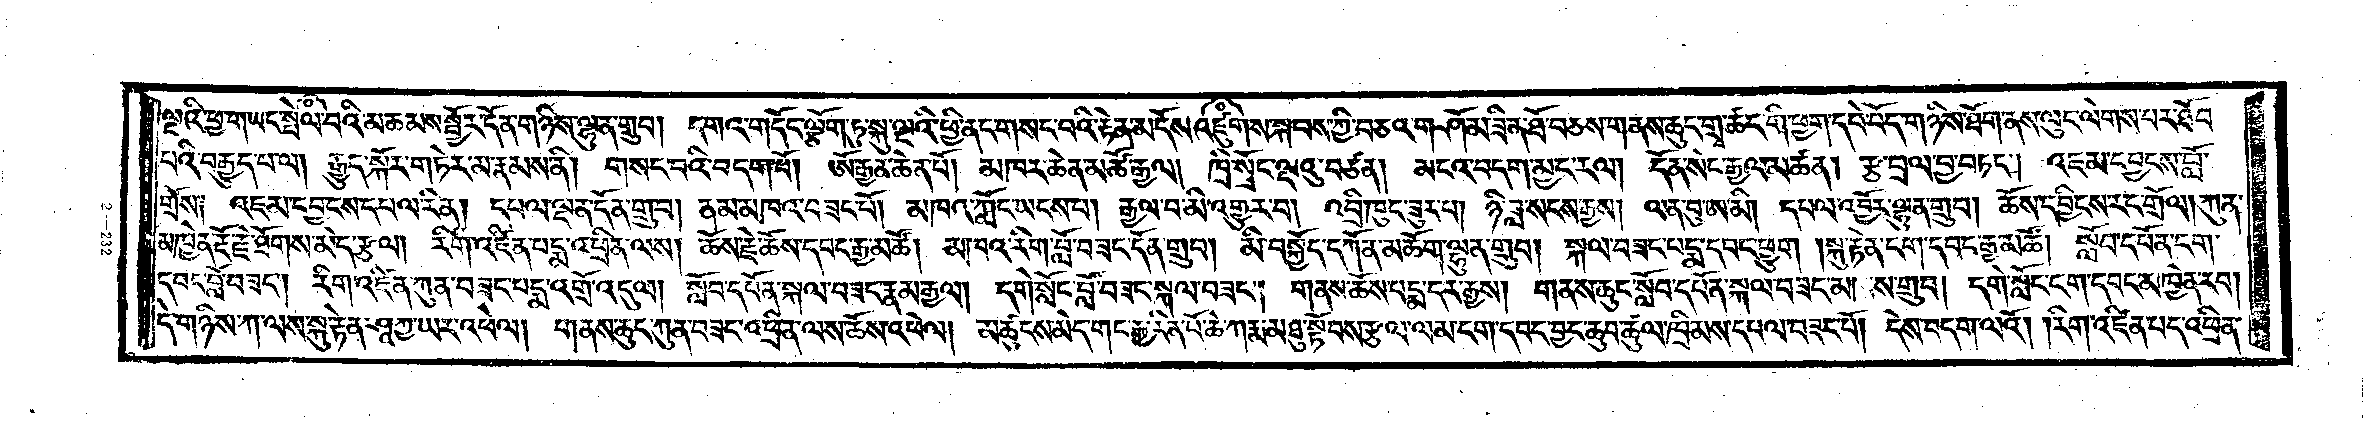ལྔའི་ཕྱ་གཡང་སྤེལ་བའི་མཆམས་སྦྱོར་དོན་གཉིས་ལྷུན་གྲུབ། དགའ་གདོང་ལྕོག་ཏུ་སྐུ་ལྔའི་ཕྱི་ནང་གསང་བའི་རྟེན་མདོས་འཛུགས་སྐབས་ཀྱི་བཅའ་གཤོམ་ཟིན་ཐོ་བཅས་གནས་ཆུང་གྲྭ་ཚང་གི་ཕྱག་དབེ་བོད་གཉིས་ཐོག་ནས་ལུང་ལེགས་པར་ཐོབ་
པའི་བརྒྱུད་པ་ལ། རྒྱུད་སྐོར་གཏེར་མ་རྣམས་ནི། གསང་བའི་བདག་པོ། ཨོ་རྒྱན་ཆེན་པོ། མཁར་ཆེན་མཚོ་རྒྱལ། ཁྲི་སྲོང་ལྔའུ་བཙན། མངའ་བདག་མྱང་རལ། དོན་སེང་རྒྱལ་མཚན། རྩ་བྲལ་བྱ་བཏང་། འཇམ་དབྱངས་བློ་
གྲོས༑ འཇམ་དབྱངས་དཔལ་རིན། དཔལ་ལྡན་དོན་གྲུབ། ནམ་མཁའ་བཟང་པོ། མཁའ་ཀློང་ཡངས་པ། རྒྱལ་བ་མི་འགྱུར་པ། འབྲི་ཁུང་ཟུར་པ། ཉི་ཟླ་སངས་རྒྱས། ལན་བུ་ཨ་མི། དཔལ་འབྱོར་ལྷུན་གྲུབ། ཆོས་དབྱིངས་རང་གྲོལ། ཀུན་
མཁྱེན་རྡོ་རྗེ་ཐོགས་མེད་རྩལ། རིག་འཛིན་པདམ་འཕྲིན་ལས། ཆོས་རྗེ་ཆོས་དབང་རྒྱ་མཚོ། མཁའ་རིག་བློ་བཟང་དོན་གྲུབ། མི་བསྐྱོད་དཀོན་མཆོག་ལྷུན་གྲུབ། སྐལ་བཟང་པདམ་དབང་ཕྱུག །སྐུ་རྟེན་ངག་དབང་རྒྱ་མཚོ། སློབ་དཔོན་ངག་
དབང་བློ་བཟང་། རིག་འཛིན་ཀུན་བཟང་པདམ་འགྲོ་འདུལ། སློབ་དཔོན་སྐལ་བཟང་རྣམ་རྒྱལ། དགེ་སློང་བློ་བཟང་སྐལ་བཟང་། གནས་ཆོས་པདམ་དར་རྒྱས། གནས་ཆུང་སློབ་དཔོན་སྐལ་བཟང་མཁས་གྲུབ། དགེ་སློང་ངག་དབང་མཁྱེན་རབ།
དེ་གཉིས་ཀ་ལས་སྐུ་རྟེན་ཤཱཀྱ་ཡར་འཕེལ། གནས་ཆུང་ཀུན་བཟང་འཕྲིན་ལས་ཆོས་འཕེལ། མཚུངས་མེད་གང་རྒྱ་རིན་པོ་ཆེ་ཀརྨ་མཐུ་སྟོབས་རྩལ་ལམ་ངག་དབང་བྱང་ཆུབ་ཚུལ་ཁྲིམས་དཔལ་བཟང་པོ། དེས་བདག་ལའོ། །རིག་འཛིན་པད་འཕྲིན་